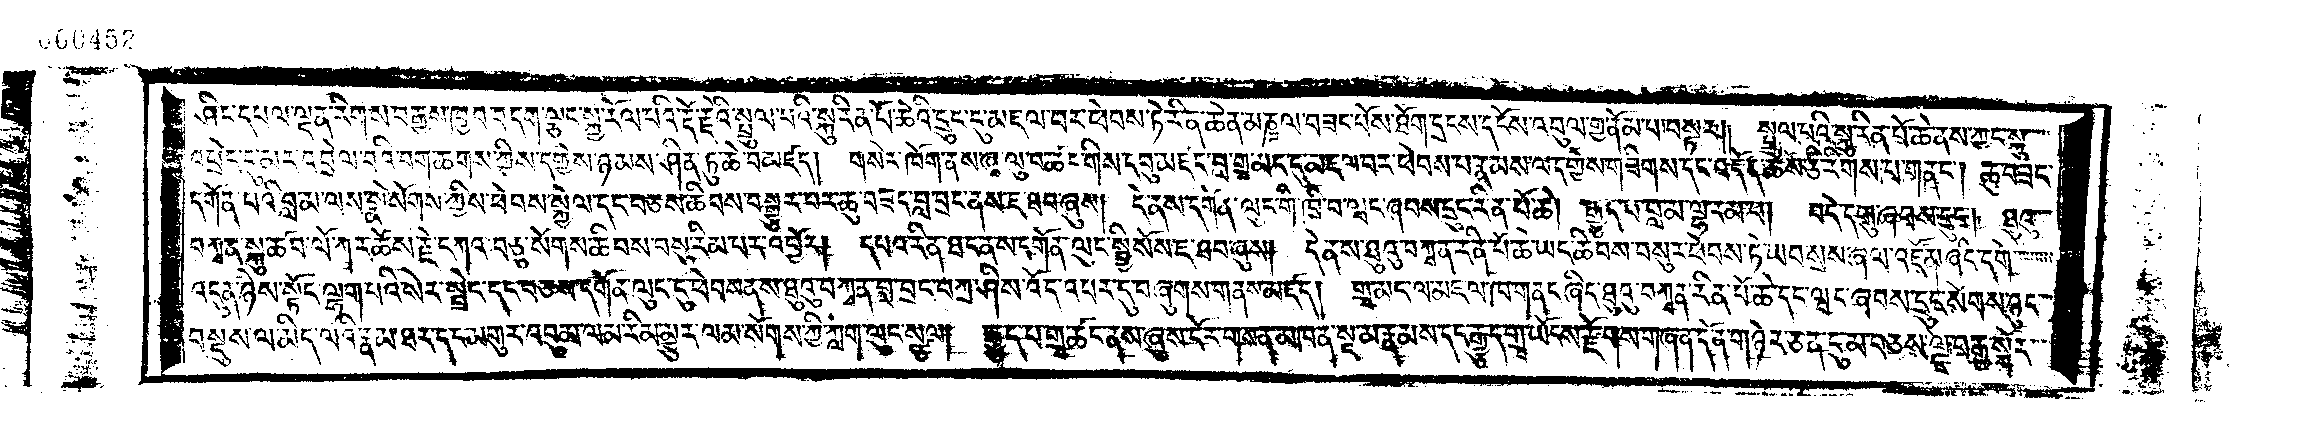ཤིང་དཔལ་ལྡན་རིགས་བརྒྱས་ཁྱབ་བདག་ལྕང་སྐྱ་རོལ་བའི་རྡོ་རྗེའི་སྤྲུལ་པའི་སྐུ་རིན་པོ་ཆེའི་དྲུང་དུ་མཇལ་བར་ཕེབས་ཏེ་རིན་ཆེན་མཎྜལ་བཟང་པོས་ཐོག་དྲངས་དངོས་འབུལ་གྱ་ནོམ་པ་བསྟར། སྤྲུལ་པའི་སྐུ་རིན་པོ་ཆེ་ནས་ཀྱང་སྐུ་
འཕྲེང་དུ་མར་འབྲེལ་བའི་བག་ཆགས་ཀྱིས་དགྱེས་ཉམས་ཤིན་ཏུ་ཆེ་བ་མཛད། གསེར་ཁོག་ནས་ཞྭ་ལུ་བ་ཚང་གིས་དབུ་མཛད་བླ་གྲྭ་མང་དུ་མཇལ་བར་ཕེབས་པ་རྣམས་ལ་དགྱེས་གཟིགས་དང་འདོད་ཆོས་ཅི་རིགས་པ་གནང་། ཆུ་བཟང་
དགོན་པའི་བླ་མ་ལས་སྣེ་སོགས་ཀྱིས་ཕེབས་སྐྱེལ་དང་བཅས་ཆིབས་བསྒྱུར་བར་ཆུ་བཟང་བླ་བྲང་ནས་ཇ་ཐབ་ཞུས། དེ་ནས་དགོན་ལུང་གི་ཁྲི་བ་ཝང་ཞབས་དྲུང་རིན་པོ་ཆེ། རྒྱུད་པ་བླ་མ་ལྷ་རམ་པ། བདེ་དགུ་ཞབས་དྲུང་། ཐུའུ་
བཀྭན་སྐུ་ཚབ་ལོ་ཀར་ཆོས་རྗེ་དཀའ་བཅུ་སོགས་ཆིབས་བསུ་རིམ་པར་འབྱོར། དཔའ་རིན་ཐང་ནས་དགོན་ལུང་སྤྱི་སོས་ཇ་ཐབ་ཞུས། དེ་ནས་ཐུའུ་བཀྭན་རིན་པོ་ཆེ་ཡང་ཆིབས་བསུར་ཕེབས་ཏེ་ཡབ་སྲས་ཞལ་འཛོམ་ཞིང་དགེ་
འདུན་ཉིས་སྟོང་ལྷག་པའི་སེར་སྦྲེང་དང་བཅས་དགོན་ལུང་དུ་ཕེབས་ནས་ཐུའུ་བཀྭན་བླ་བྲང་བཀྲ་ཤིས་འོད་འབར་དུ་བཞུགས་གནས་མཛད། གྲྭ་མང་ལ་མཇལ་ཁ་གནང་ཞིང་ཐུའུ་བཀྭན་རིན་པོ་ཆེ་དང་ཝང་ཞབས་དྲུང་སོགས་ཉུང་
བསྡུས་ལ་མིད་ལའི་རྣམ་ཐར་དང་མགུར་འབུམ་ལམ་རིམ་མྱུར་ལམ་སོགས་ཀྱི་ཀླག་ལུང་སྩལ། རྒྱུད་པ་གྲྭ་ཚང་ནས་ཞུས་དོར་གསན་མཁན་སྔ་མ་རྣམས་དང་རྒྱུད་གྲྭ་ཡོངས་རྫོགས་གཞན་དོན་གཉེར་ཅན་དུ་མ་བཅས་ལྔ་བརྒྱ་སྐོར་